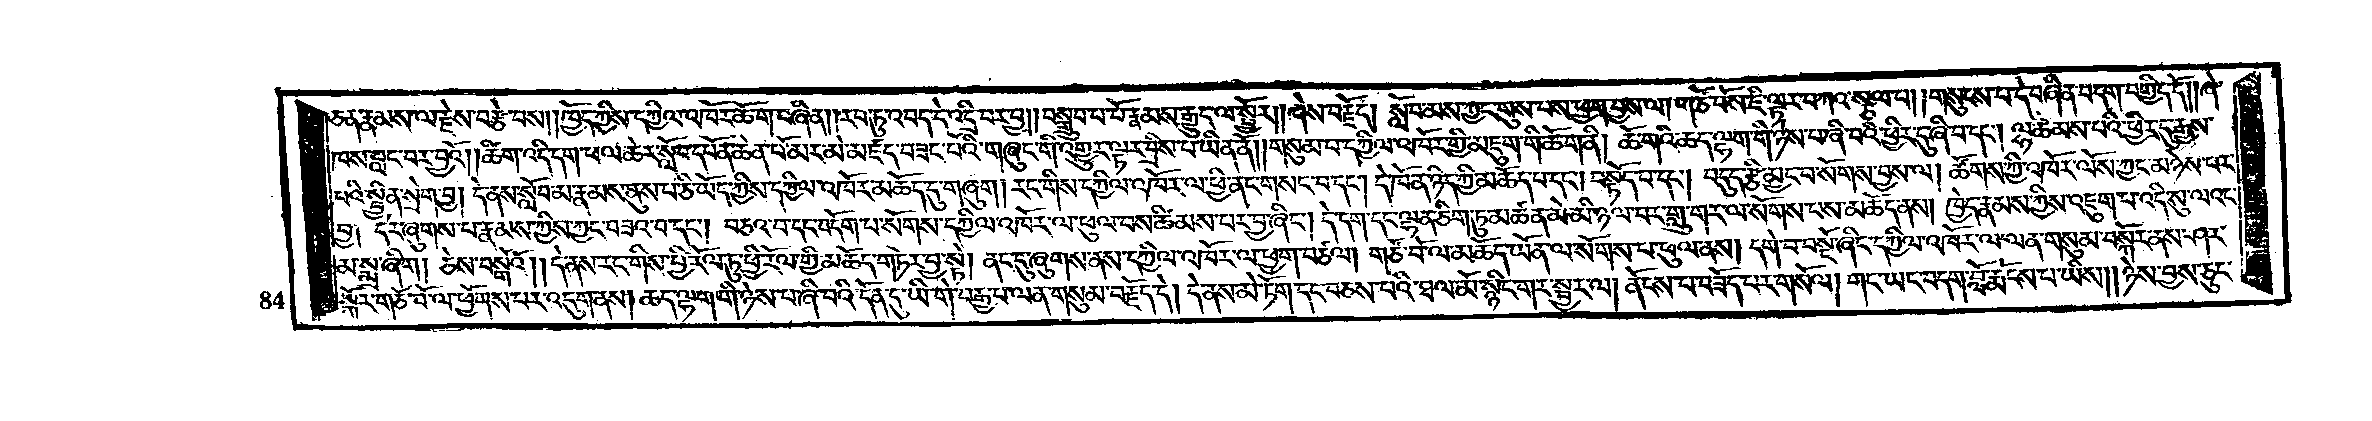ཅན་རྣམས་ལ་རྗེས་བརྩེ་བས། །ཁྱོད་ཀྱིས་དཀྱིལ་འཁོར་ཆོ་ག་བཞིན། །རབ་ཏུ་འབད་དེ་འདྲི་བར་བྱ། །བསྒྲུབ་པ་པོ་རྣམས་རྒྱུད་ལ་སྦྱོར། །ཞེས་བརྗོད། སློབ་མས་ཀྱང་གུས་པས་ཕྱག་བྱས་ལ། གཙོ་བོས་ཇི་ལྟར་བཀའ་སྩལ་པ། །གསུངས་པ་དེ་བཞིན་བདག་བགྱིད་དོ། །ཞེ་
ཁས་བླང་བར་བྱའོ། །ཚིག་འདི་དག་ཕལ་ཆེར་སློབ་དཔོན་ཆེན་པོ་མར་མེ་མཛད་བཟང་པོའི་གཞུང་གི་འགྱུར་ལྟར་བྲིས་པ་ཡིན་ནོ། །གསུམ་པ་དཀྱིལ་འཁོར་གྱི་མཇུག་གི་ཆོ་ག་ནི། ཆོ་གའི་ཆད་ལྷག་གི་ཉེས་པ་ཞི་བའི་ཕྱིར་དུ་ཞི་བ་དང་། ལྷ་ཚིམས་པའི་ཕྱིར་དུ་རྒྱས་
པའི་སྦྱིན་སྲེག་བྱ། དེ་ནས་སློབ་མ་རྣམས་ནུས་པ་ཅི་ཡོད་ཀྱིས་དཀྱིལ་འཁོར་མཆོད་དུ་གཞུག །རང་གིས་དཀྱིལ་འཁོར་ལ་ཕྱི་ནང་གསང་བ་དང་། དེ་ཁོ་ན་ཉིད་ཀྱི་མཆོད་པ་དང་། བསྟོད་པ་དང་། བདུད་རྩི་མྱང་བ་སོགས་བྱས་ལ། ཚོགས་ཀྱི་འཁོར་ལོས་ཀྱང་མཉེས་པར་
བྱ། དེར་ཞུགས་པ་རྣམས་ཀྱིས་ཀྱང་བཟའ་བ་དང་། བཅའ་བ་དང་བདོག་པ་སོགས་དཀྱིལ་འཁོར་ལ་ཕུལ་བས་ཚིམས་པར་བྱ་ཞིང་། དེ་དག་དང་ལྷན་ཅིག་ཏུ་མཚན་མེ་མི་ཉལ་བར་གླུ་གར་ལ་སོགས་པས་མཆོད་ནས། ཁྱེད་རྣམས་ཀྱིས་འཇུག་པ་འདི་སུ་ལའང་
མ་སྨྲ་ཞིག །ཅེས་བསྒོའོ། །དེ་ནས་རང་གིས་ཕྱི་རོལ་ཏུ་ཕྱི་རོལ་གྱི་མཆོད་གཏེར་བྱ་སྟེ། ནང་དུ་ཞུགས་ནས་དཀྱིལ་འཁོར་ལ་ཕྱག་བཙལ། གཙོ་བོ་ལ་མཆོད་ཡོན་ལ་སོགས་པ་ཕུལ་ནས། དགེ་བ་བསྔོ་ཞིང་དཀྱིལ་འཁོར་ལ་ལན་གསུམ་བསྐོར་ནས་ཤར་
སྐོར་གཙོ་བོ་ལ་ཕྱོགས་པར་འདུག་ནས། ཆད་ལྷག་གི་ཉེས་པ་ཞི་བའི་དོན་དུ་ཡི་གེ་བརྒྱ་པ་ལན་གསུམ་བརྗོད་དེ། དེ་ནས་མེ་ཏོག་དང་བཅས་པའི་ཐལ་མོ་སྙིང་གར་སྦྱར་ལ། ནོངས་པ་བཟོད་པར་གསོལ། གང་ཡང་བདག་བློ་རྨོངས་པ་ཡིས། །ཉེས་བྱས་ཅུང་